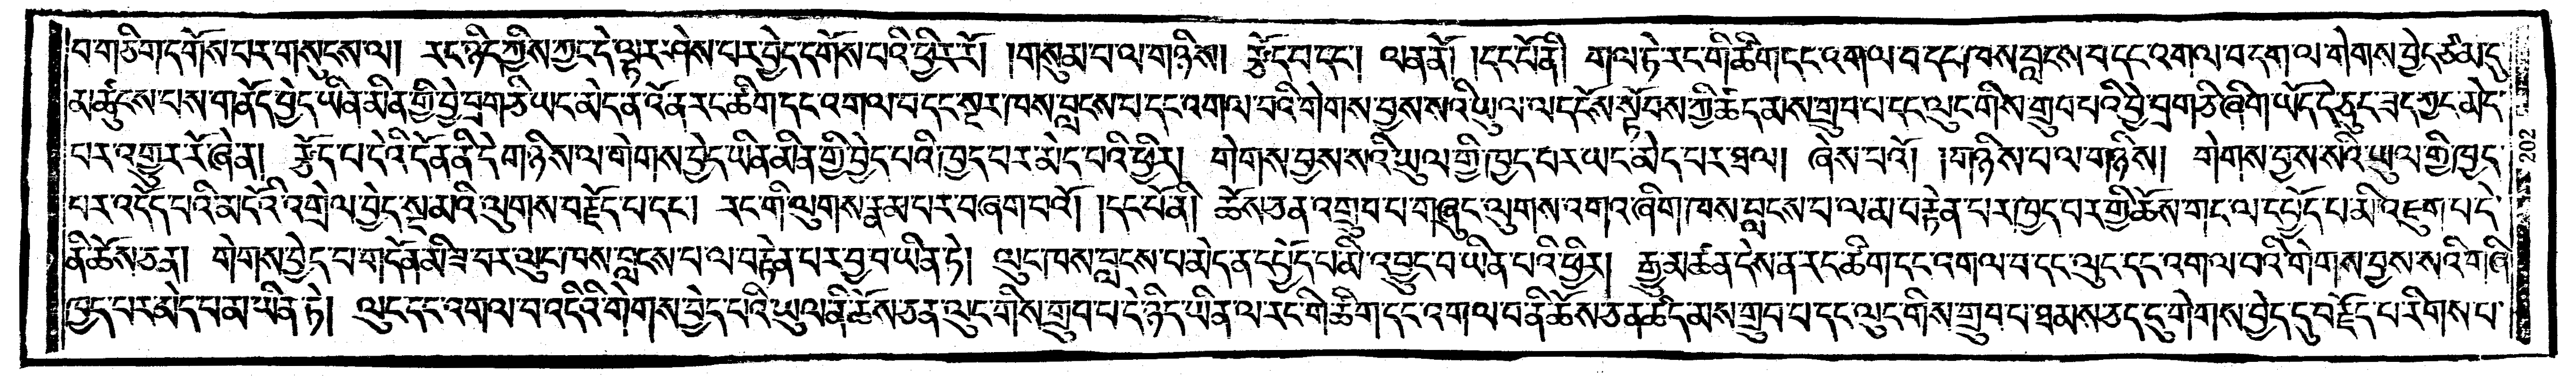བ་གཅིག་དགོས་པར་གསུངས་ལ། རང་ཉིད་ཀྱིས་ཀྱང་དེ་ལྟར་ཤེས་པར་བྱེད་དགོས་པའི་ཕྱིར་རོ། །གསུམ་པ་ལ་གཉིས། རྩོད་བ་དང་། ལན་ནོ། །དང་པོ་ནི། གལ་ཏེ་རང་གི་ཚིག་དང་འགལ་བ་དང་ཁས་བླངས་བ་དང་འགལ་བ་དག་ལ་གེགས་བྱེད་ཙམ་དུ་
མཚུངས་པས་གནོད་བྱེད་ཡིན་མིན་གྱི་བྱེ་བྲག་ཅི་ཡང་མེད་ན་འོ་ན་རང་ཚིག་དང་འགལ་བ་དང་སྔར་ཁས་བླངས་པ་དང་འགལ་བའི་གེགས་བྱས་སའི་ཡུལ་ལ་དངོས་སྟོབས་ཀྱི་ཚད་མས་གྲུབ་པ་དང་ལུང་གིས་གྲུབ་པའི་བྱེ་བྲག་ཅི་ཞིག་ཡོད་དེ་ཅུང་ཟད་ཀྱང་མེད་
པར་འགྱུར་རོ་ཞེ་ན། རྩོད་པ་དེའི་དོན་ནི་དེ་གཉིས་ལ་གེགས་བྱེད་ཡིན་མིན་གྱི་བྱེད་པའི་ཁྱད་པར་མེད་པའི་ཕྱིར། གེགས་བྱས་སའི་ཡུལ་གྱི་ཁྱད་པར་ཡང་མེད་པར་ཐལ། ཞེས་པའོ། །གཉིས་པ་ལ་གཉིས། གེགས་བྱ་ས་སའི་ཡུལ་གྱི་ཁྱད་
པར་འདོད་པའི་མདོའི་འགྲེལ་བྱེད་སྔ་མའི་ལུགས་བརྗོད་པ་དང་། རང་གི་ལུགས་རྣམ་པར་བཞག་པའོ། །དང་པོ་ནི། ཆོས་ཅན་འགྲུབ་པ་གཞུང་ལུགས་འགའ་ཞིག་ཁས་བླངས་པ་ལ་མ་བརྟེན་པར་ཁྱད་པར་གྱི་ཆོས་གང་ལ་དཔྱོད་པ་མི་འཇུག་པ་དེ་
ནི་ཆོས་ཅན། གེགས་བྱེད་པ་གདོན་མི་ཟ་བར་ལུང་ཁས་བླངས་པ་ལ་བརྟེན་པར་བྱ་བ་ཡིན་ཏེ། ལུང་ཁས་བླངས་པ་མེད་ན་དཔྱོད་པ་མི་འབྱུང་བ་ཡིན་པའི་ཕྱིར། རྒྱུ་མཚན་ངེས་ན་རང་ཚིག་དང་འགལ་བ་དང་ལུང་དང་འགལ་བའི་གེགས་བྱས་སའི་གཞི་
ཁྱད་པར་མེད་པ་མ་ཡིན་ཏེ། ལུང་དང་འགལ་བ་འདིའི་གེགས་བྱེད་པའི་ཡུལ་ནི་ཆོས་ཅན་ལུང་གིས་གྲུབ་པ་དེ་ཉིད་ཡིན་ལ་རང་གི་ཚིག་དང་འགལ་བ་ནི་ཆོས་ཅན་ཚད་མས་གྲུབ་པ་དང་ལུང་གིས་གྲུབ་པ་ཐམས་ཅད་དུ་གེགས་བྱེད་དུ་བརྗོད་པ་རིགས་པ་